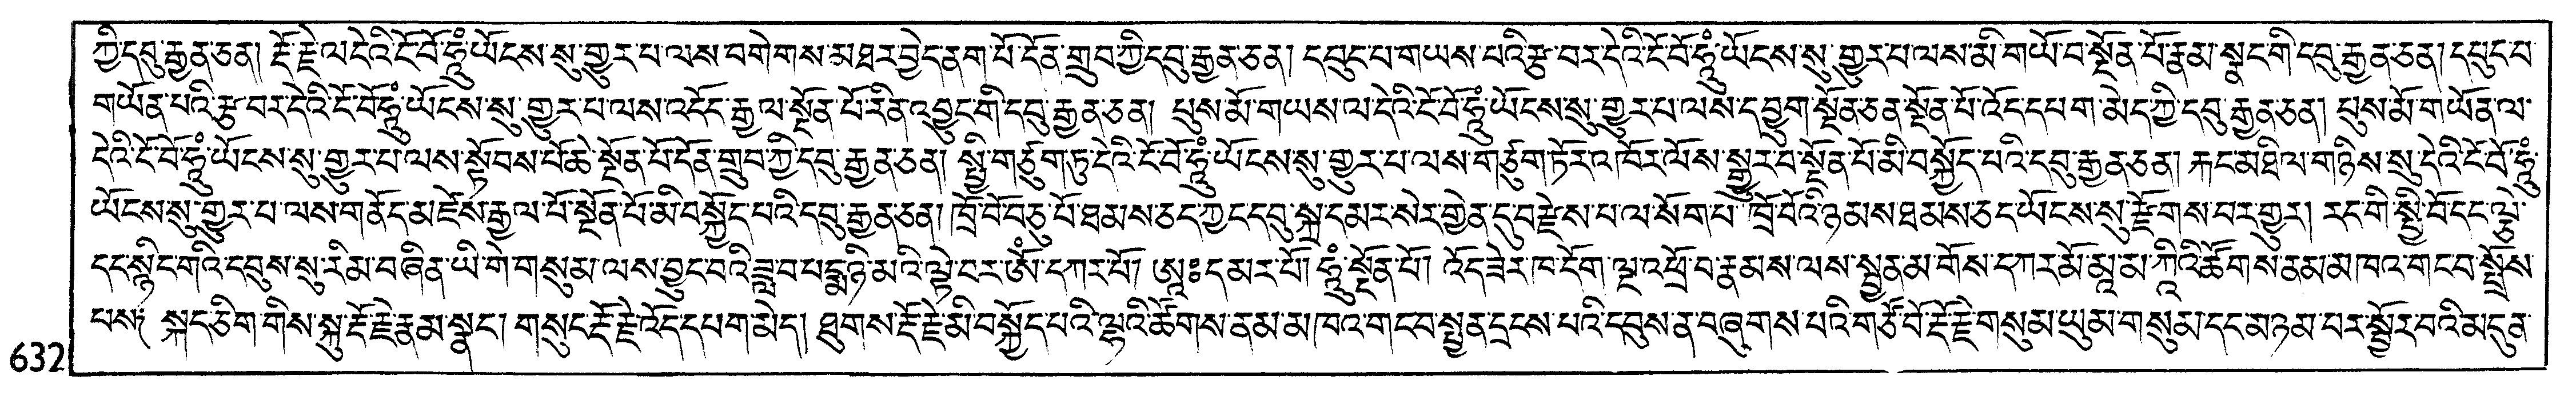ཀྱི་དབུ་རྒྱན་ཅན། རྡོ་རྗེ་ལ་དེའི་ངོ་བོ་ཧཱུཾ་ཡོངས་སུ་གྱུར་པ་ལས་བགེགས་མཐར་བྱེད་ནག་པོ་དོན་གྲུབ་ཀྱི་དབུ་རྒྱན་ཅན། དཔུང་པ་གཡས་པའི་རྩ་བར་དེའི་ངོ་བོ་ཧཱུཾ་ཡོངས་སུ་གྱུར་པ་ལས་མི་གཡོ་བ་སྔོན་པོ་རྣམ་སྣང་གི་དབུ་རྒྱན་ཅན། དཔུང་པ་
གཡོན་པའི་རྩ་བར་དེའི་ངོ་བོ་ཧཱུཾ་ཡོངས་སུ་གྱུར་པ་ལས་འདོད་རྒྱལ་སྔོན་པོ་རིན་འབྱུང་གི་དབུ་རྒྱན་ཅན། པུས་མོ་གཡས་ལ་དེའི་ངོ་བོ་ཧཱུཾ་ཡོངས་སུ་གྱུར་པ་ལས་དབྱུག་སྔོན་ཅན་སྔོན་པོ་འོད་དཔག་མེད་ཀྱི་དབུ་རྒྱན་ཅན། པུས་མོ་གཡོན་ལ་
དེའི་ངོ་བོ་ཧཱུཾ་ཡོངས་སུ་གྱུར་པ་ལས་སྟོབས་པོ་ཆེ་སྔོན་པོ་དོན་གྲུབ་ཀྱི་དབུ་རྒྱན་ཅན། སྤྱི་གཙུག་ཏུ་དེའི་ངོ་བོ་ཧཱུཾ་ཡོངས་སུ་གྱུར་པ་ལས་གཙུག་ཏོར་འཁོར་ལོས་སྒྱུར་བ་སྔོན་པོ་མི་བསྐྱོད་པའི་དབུ་རྒྱན་ཅན། རྐང་མཐིལ་གཉིས་སུ་དེའི་ངོ་བོ་ཧཱུཾ་
ཡོངས་སུ་གྱུར་པ་ལས་གནོད་མཛེས་རྒྱལ་པོ་སྔོན་པོ་མི་བསྐྱོད་པའི་དབུ་རྒྱན་ཅན། ཁྲོ་བོ་བཅུ་པོ་ཐམས་ཅད་ཀྱང་དབུ་སྐྲ་དམར་སེར་གྱེན་དུ་བརྫེས་པ་ལ་སོག་པ་ཁྲོ་བོའི་ཉམས་ཐམས་ཅད་ཡོངས་སུ་རྫོགས་པར་གྱུར། རང་གི་སྤྱི་བོ་དང་ལྕེ་
དང་སྙིང་གའི་དབུས་སུ་རིམ་བཞིན་ཡི་གེ་གསུམ་ལས་བྱུང་བའི་ཟླ་བ་པདམ་ཉི་མའི་ལྟེ་བར་ཨོཾ་དཀར་པོ། ཨཱཿ དམར་པོ། ཧཱུཾ་སྔོན་པོ། འོད་ཟེར་ཁ་དོག་ལྔ་འཕྲོ་བ་རྣམས་ལས་སྤྱན་མ་གོས་དཀར་མོ་མཱ་མ་ཀཱིའི་ཚོགས་ནམ་མཁའ་གང་བ་སྤྲོས་
པས༑ སྐད་ཅིག་གིས་སྐུ་རྡོ་རྗེ་རྣམ་སྣང་། གསུང་རྡོ་རྗེ་འོད་དཔག་མེད། ཐུགས་རྡོ་རྗེ་མི་བསྐྱོད་པའི་ལྷའི་ཚོགས་ནམ་མཁའ་གང་བ་སྤྱན་དྲངས་པའི་དབུས་ན་བཞུགས་པའི་གཙོ་བོ་རྡོ་རྗེ་གསུམ་ཡུམ་གསུམ་དང་མཉམ་པར་སྦྱོར་བའི་མདུན་